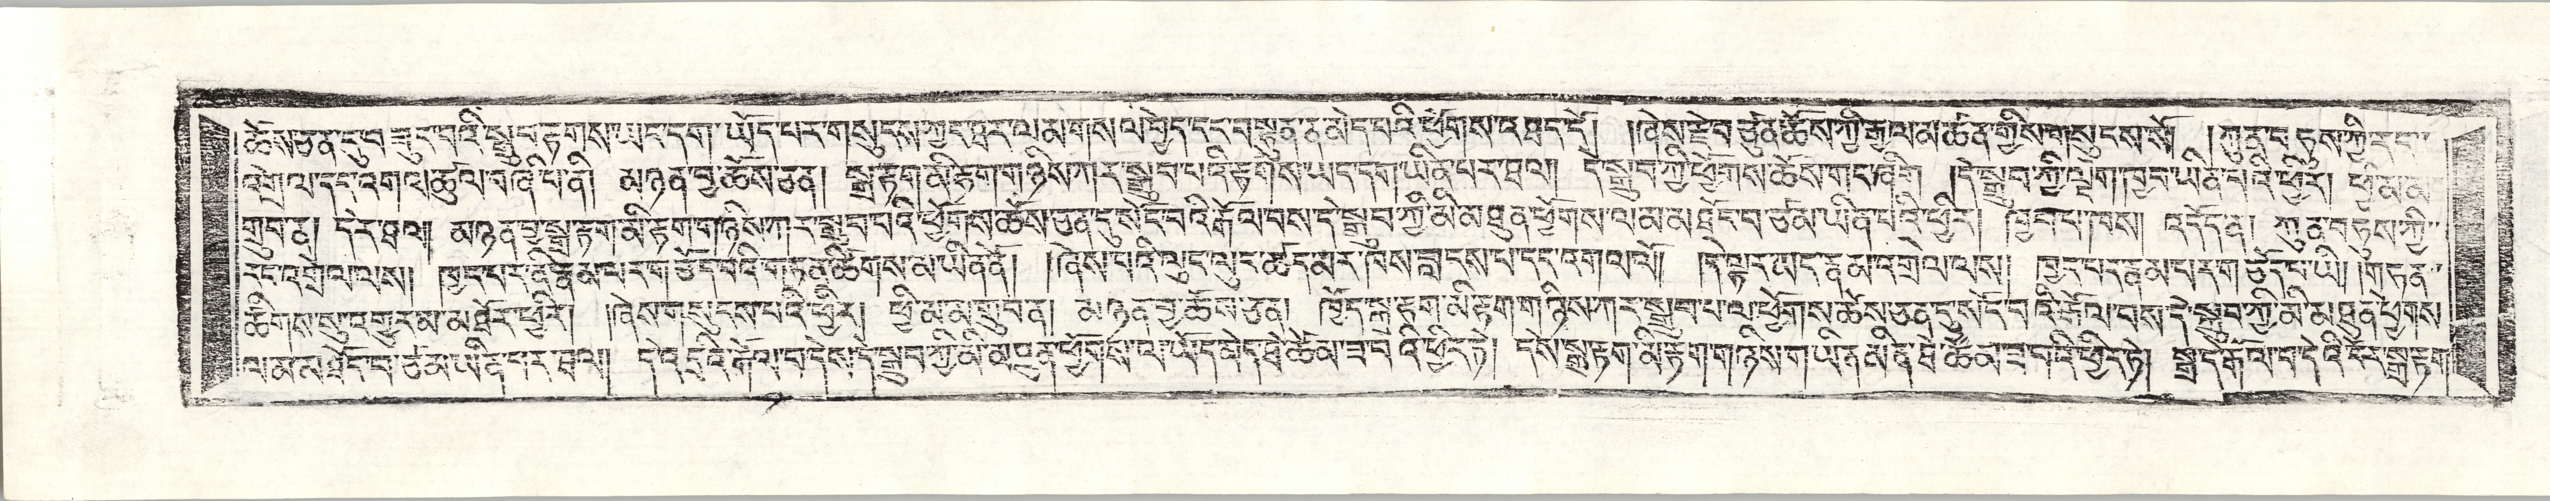ཆོས་ཅན་དུ་བཟུང་བའི་སྒྲུབ་རྟགས་ཡང་དག་ཡོད་པར་གསུངས་ཀྱང་ཐར་ལམ་གསལ་བྱེད་དང་བསྟུན་ན་མེད་པའི་ཕྱོགས་འཐད་དོ། །ཞེས་རྗེ་བཙུན་ཆོས་ཀྱི་རྒྱལ་མཚན་གྱིས་གསུངས་སོ། །ཀུན་བཏུས་ཀྱི་རང་
འགྲེལ་དང་འགལ་ཚུལ་བཞི་བ་ནི། མཉན་བྱ་ཆོས་ཅན། སྒྲ་རྟག་མི་རྟག་གཉིས་ཀར་སྒྲུབ་པའི་རྟགས་ཡང་དག་ཡིན་པར་ཐལ། དེ་སྒྲུབ་ཀྱི་ཕྱོགས་ཆོས་གང་ཞིག །དེ་སྒྲུབ་ཀྱི་ལྡོག་ཁྱབ་ཡིན་པའི་ཕྱིར། ཕྱི་མ་མ་
གྲུབ་ན། དེར་ཐལ། མཉན་བྱ་སྒྲ་རྟག་མི་རྟག་གཉིས་ཀར་སྒྲུབ་པའི་ཕྱོགས་ཆོས་ཅན་དུ་སོང་བའི་རྒོལ་བས་དེ་སྒྲུབ་ཀྱི་མི་མཐུན་ཕྱོགས་ལ་མ་མཐོང་བ་ཙམ་ཡིན་པའི་ཕྱིར། ཁྱབ་པ་ཁས། འདོད་ན། ཀུན་བཏུས་ཀྱི་
རང་འགྲེལ་ལས། ཁྱད་པར་ནི་རྣམ་པར་གཅོད་པའི་གཏན་ཚིགས་མ་ཡིན་ནོ། །ཞེས་པའི་ལུང་ལུང་ཚད་མར་ཁས་བླངས་པ་དང་འགལ་ལོ། །དེ་ལྟར་ཡང་རྣམ་འགྲེལ་ལས། ཁྱད་པར་རྣམ་པར་གཅོད་པ་ཡི། །གཏན་
ཚིགས་སུ་འགྱུར་མ་མཐོང་ཕྱིར། །ཞེས་གསུངས་པའི་ཕྱིར། ཕྱི་མ་མ་གྲུབ་ན། མཉན་བྱ་ཆོས་ཅན། ཁྱོད་སྒྲ་རྟག་མི་རྟག་གཉིས་ཀར་སྒྲུབ་པ་ལ་ཕྱོགས་ཆོས་ཅན་དུ་སོང་བའི་རྒོལ་བས་དེ་སྒྲུབ་ཀྱི་མི་མཐུན་ཕྱོགས་
ལ་མ་མཐོང་བ་ཙམ་ཡིན་པར་ཐལ། དེ་འདྲའི་རྒོལ་བ་དེས་དེ་སྒྲུབ་ཀྱི་མི་མཐུན་ཕྱོགས་ལ་ཡོད་མེད་ཐེ་ཚོམ་ཟ་བའི་ཕྱིར་ཏེ། དེས་སྒྲ་རྟག་མི་རྟག་གཉི་ག་ཡིན་མིན་ཐེ་ཚོམ་ཟ་བའི་ཕྱིར་ཏེ། སྒྲ་དེ་རྒོལ་བ་དེའི་ངོར་སྒྲ་རྟག་